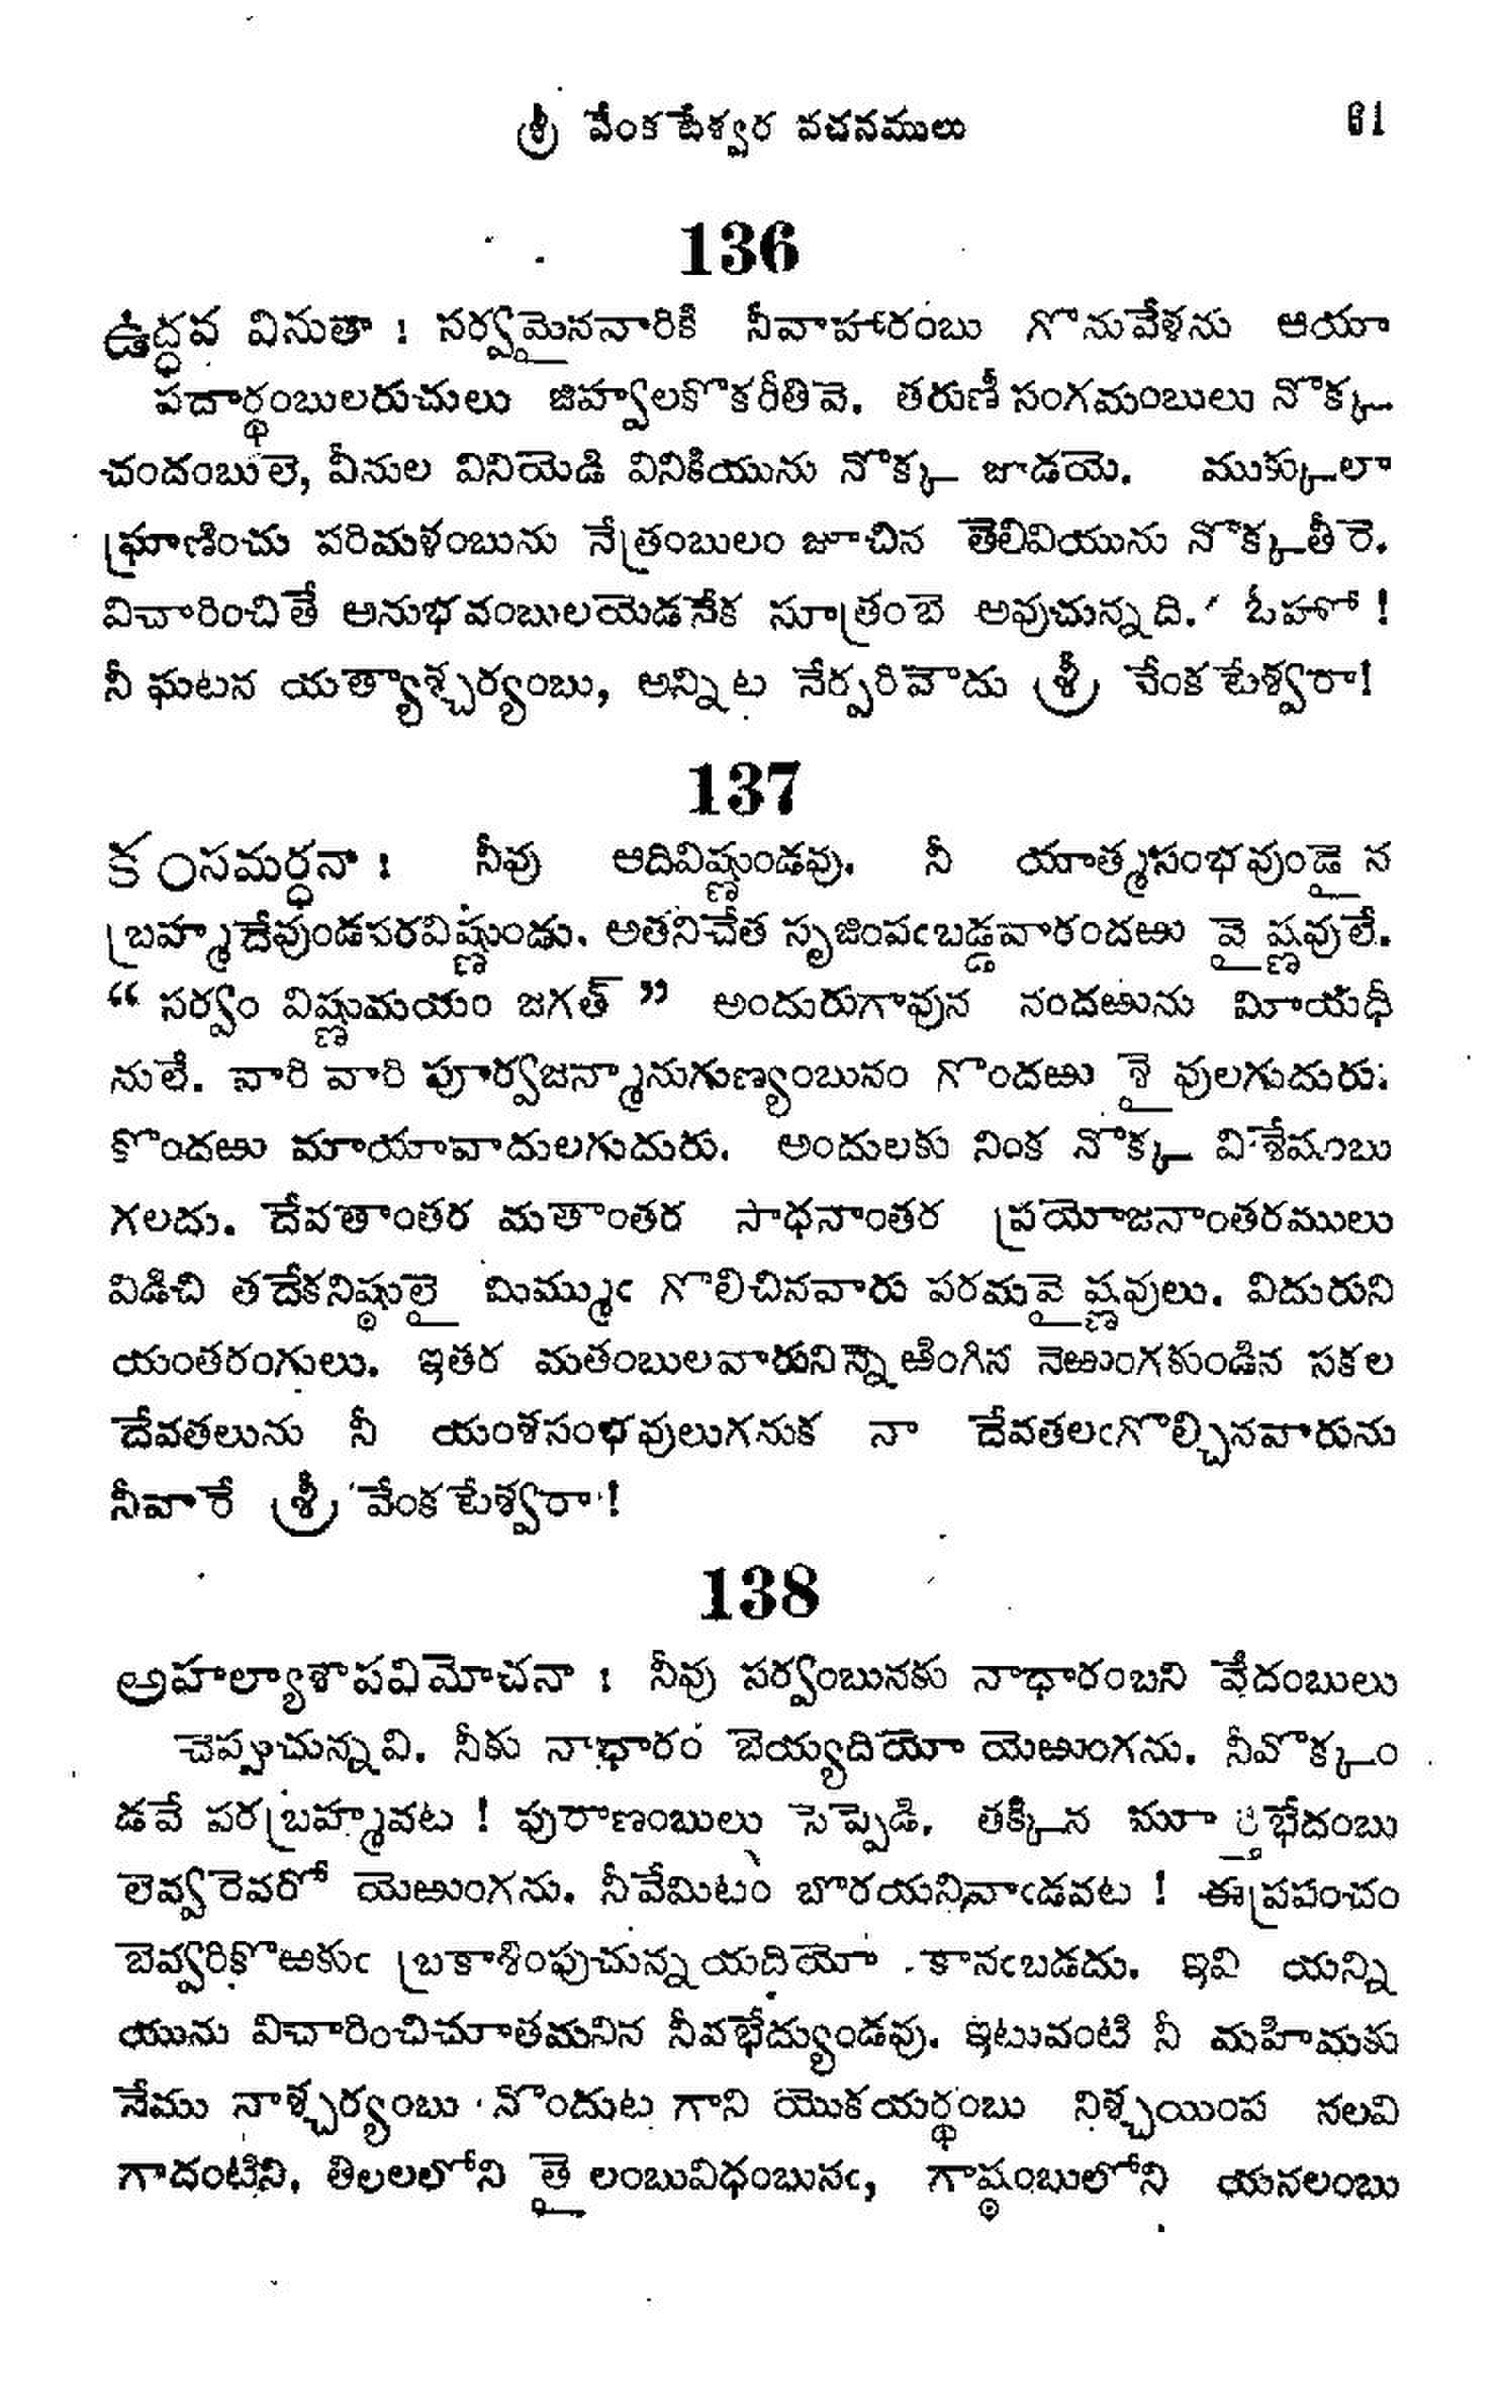136 

 ! సర్వమైన వారికి నీవాహారంబు గొను వేళను ఆయా
పదార్థంబులరుచులు జిహ్వలకొకరీతి వె. తరుణీ సంగమంబులు నొక్క చందంబులె, వీనుల వినియెడి వినికియును నొక్క జాడయె. ముక్కులా ఘ్రాణించు పరిమళంబును నేత్రంబులం జూచిన తెలివియును నొక్కతీరె. విచారించితే అనుభవంబులయెడ నేక సూత్రంబె అవుచున్నది. " ఓహో ! నీ ఘటన యత్యాశ్చర్యంబు, అన్నిట నేర్పరి వౌదు శ్రీ వేంకటేశ్వరా!

137 

 ! నీవు ఆదివిష్ణుండవు, నీ యాత్మసంభవుండై న బ్రహ్మదేవుండపరవిష్ణుండు, అతనిచేత సృజింపఁబడ్డ వారందఱు వైష్ణవులే. " సర్వం విష్ణుమయం జగత్" అందురుగావున నందఱును మీయధీ నులే. వారి వారి పూర్వజన్మానుగుణ్యంబునం గొందఱు శైవులగుదురు. కొందఱు మాయావాదులగుదురు. అందులకు నింక నోక్క విశేషంబు గలదు. దేవతాంతర మతాంతర సాధనాంతర ప్రయోజనాంతరములు విడిచి తదేకనిష్ఠులై మిమ్ముఁ గొలిచినవారు పరమవైష్ణవులు. విదురుని యంతరంగులు. ఇతర మతంబులవారునిన్నె ఱింగిన నెఱుంగకుండిన సకల దేవతలును నీ యంశసంభవులుగనుక నా దేవతలఁగొల్చినవారును నీవారే శ్రీ వేంక టేశ్వరా'!

138 

 ! నీవు సర్వంబునకు నాధారంబని వేదంబులు
చెప్పుచున్నవి. నీకు నాధారం 'బెయ్యదియో యెఱుంగను. నీవొక్కం డవే పరబ్రహ్మవట ! పురాణంబులు సెప్పెడి, తక్కిన మూర్తి భేదంబు లెవ్వరెవరో యెఱుంగను. నీవేమిటం బొరయనివాఁడవట ! ఈ ప్రపంచం బెవ్వరికొఱకుఁ బ్రకాశింపుచున్నయదియో కానఁబడదు. ఇవి యన్ని యును విచారించి చూతమనిన నీవ భేద్యుండవు. ఇటువంటి నీ మహిమకు నేము నాశ్చర్యంబు నొందుట గాని యొక యర్థంబు నిశ్చయింప నలవి గాదంటిని, తిలలలోని తై లంబువిధంబునఁ, గాష్ఠంబులోని యనలంబు